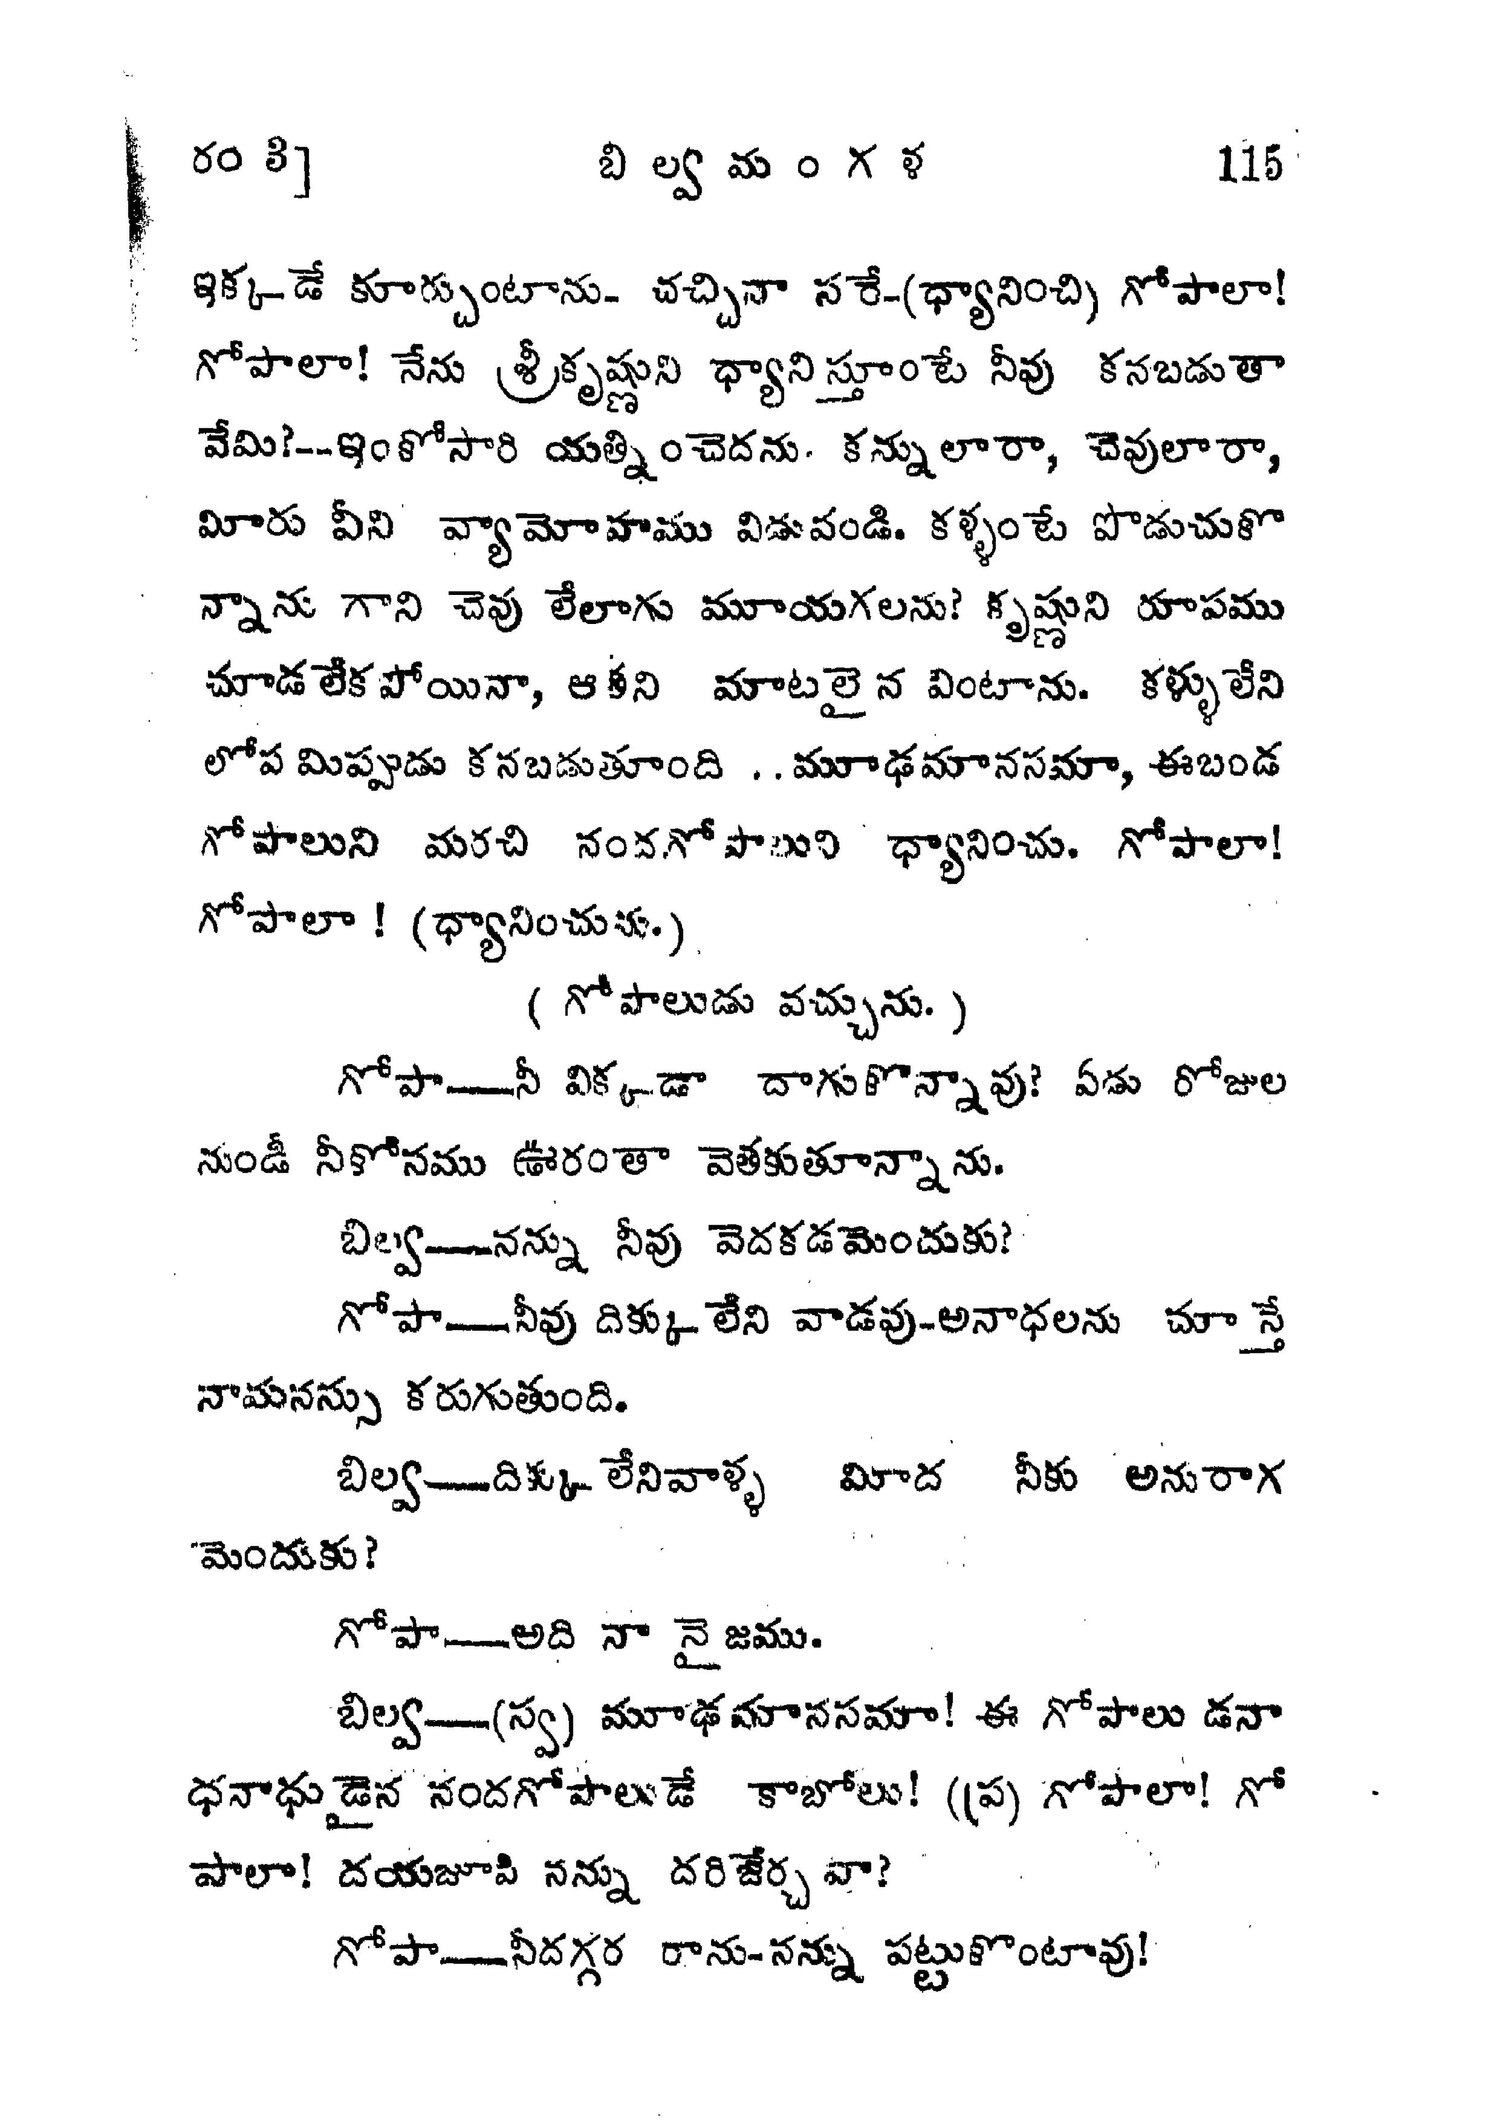ఇక్కడే కూర్చుంటాను - చచ్చినా సరే-(ధ్యానించి) గోపాలా! గోపాలా! నేను శ్రీకృష్ణుని ధ్యానిస్తూంటే నీవు కనబడుతా వేమి?--ఇంకోసారి యత్నించెదను. కన్నులారా, చెవులారా, మీరు వీని వ్యామోహము విడువండి. కళ్ళంటే పొడుచుకొన్నాను గాని చెవు లేలాగు మూయగలను? కృష్ణుని రూపము చూడలేక పోయినా, ఆతని మాటలైన వింటాను. కళ్ళులేని లోప మిప్పుడు కనబడుతూంది. మూఢమానసమా, ఈబండ గోపాలుని మరచి నందగోపాలుని ధ్యానించు. గోపాలా! గోపాలా! (ధ్యానించును.)

గోపా - నీ విక్కడా దాగుకొన్నావు? ఏడురోజుల నుండీ నీకోసము ఊరంతా వెతకుతూన్నాను.

బిల్వ - నన్ను నీవు వెదకడమెందుకు?

గోపా - నీవు దిక్కులేని వాడవు - అనాధలను చూస్తేఎ నామనస్సు కరుగుతుంది.

బిల్వ - దిక్కులేనివాళ్ళ మీద నీకు అనురాగ మెందుకు?

గోపా - అది నా నైజము.

బిల్వ - (స్వ) మూఢమానసమా! ఈ గోపాలు డనాధనాధుడైన నందగోపాలుడే కాబోలు! (ప్ర) గోపాలా! గోపాలా! దయజూపి నన్ను దరిజేర్చవా?

గోపా - నీదగ్గర రాను-నన్ను పట్టుకొంటావు!